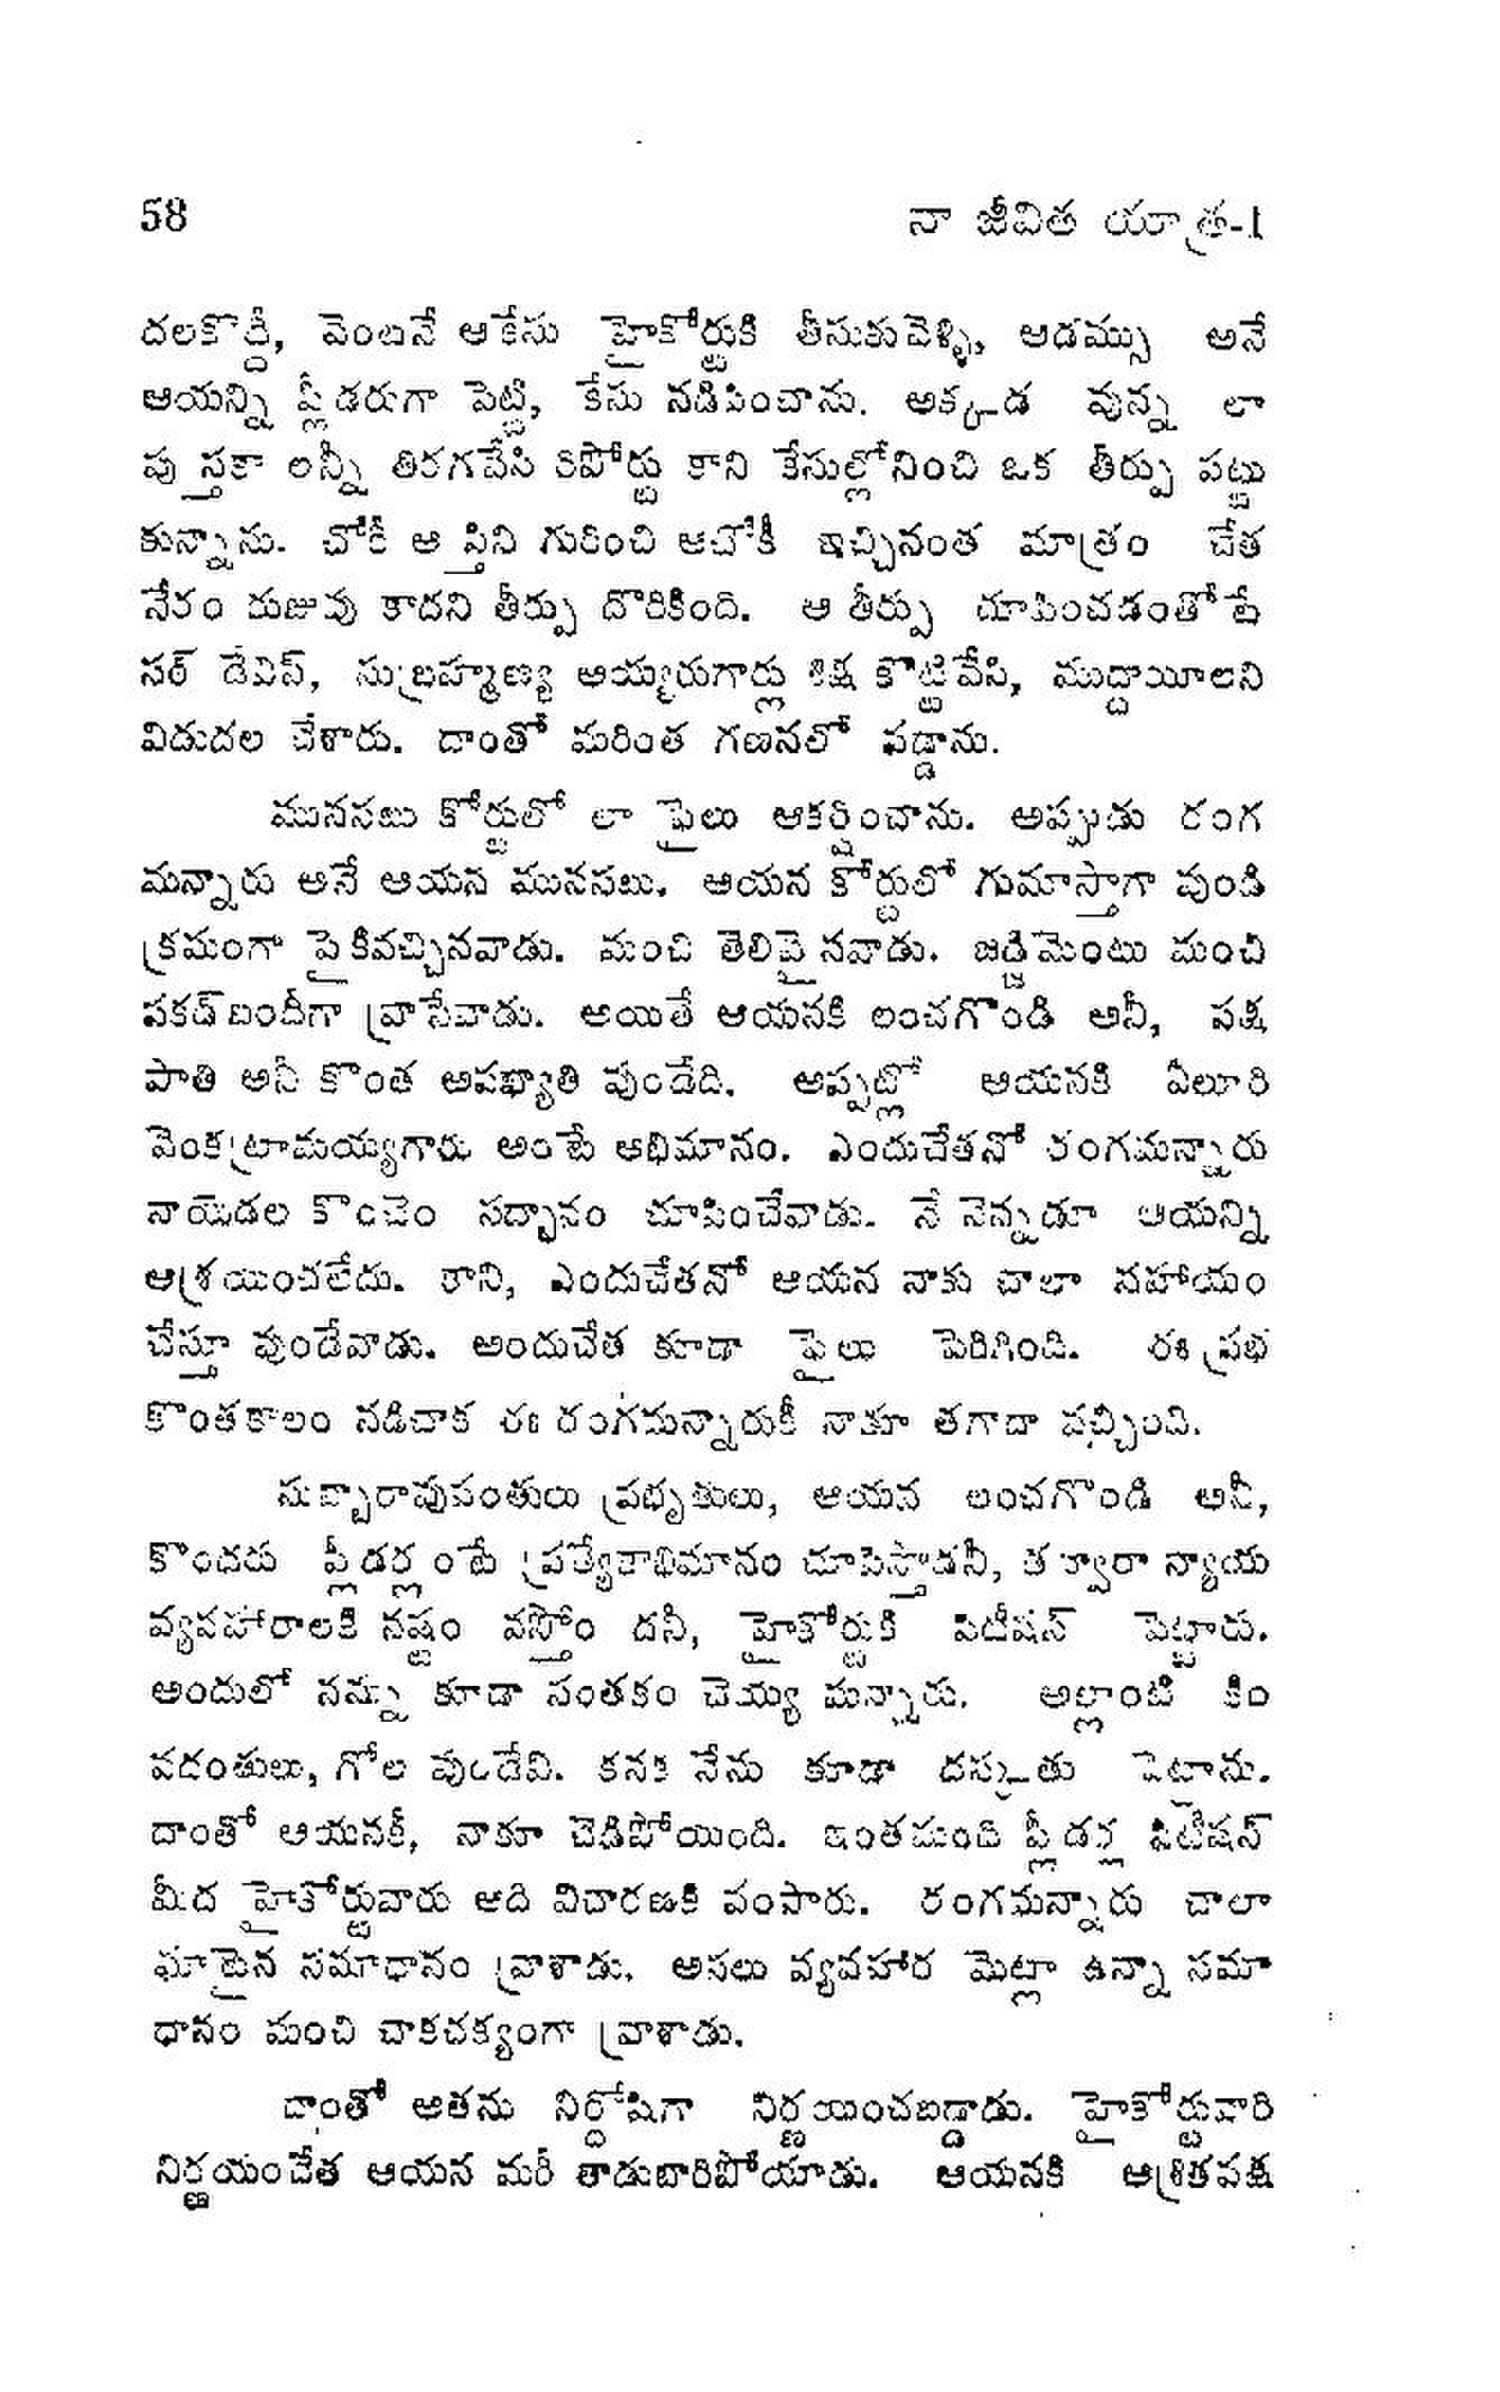దలకొద్దీ, వెంటనే ఆకేసు హైకోర్టుకి తీసుకువెళ్ళి, ఆడమ్సు అనే ఆయన్ని ప్లీడరుగా పెట్టి, కేసు నడిపించాను. అక్కడ వున్న లా పుస్తకాలన్నీ తిరగవేసి రిపోర్టు కాని కేసుల్లోనించి ఒక తీర్పు పట్టుకున్నాను. చోరీ ఆస్తిని గురించి ఆచోకీ ఇచ్చినంతమాత్రం చేత నేరం రుజువు కాదని తీర్పు దొరికింది. ఆ తీర్పు చూపించడంతోటే సర్ డేవిస్, సుబ్రహ్మణ్య అయ్యరుగార్లు శిక్ష కొట్టివేసి, ముద్దాయీలను విడుదల చేశారు. దాంతో మరింత గణనలో పడ్డాను.

మునసబు కోర్టులో లా ఫైలు ఆకర్షించాను. అప్పుడు రంగమన్నారు అనే ఆయన మునసబు. ఆయన కోర్టులో గుమాస్తాగా వుండి క్రమంగా పైకివచ్చినవాడు. మంచి తెలివైనవాడు. జడ్జిమెంటు మంచి పకడ్ బందీగా వ్రాసేవాడు. అయితే ఆయనకి లంచగొండి అనీ, పక్షపాతి అనీ కొంత అపఖ్యాతి వుండేది. అప్పట్లో ఆయనకి ఏలూరి వెంకట్రామయ్యగారు అంటే అభిమానం. ఎందుచేతనో రంగమన్నారు నాయెడల కొంచెం సద్భావం చూపించేవాడు. నే నెన్నడూ ఆయన్ని ఆశ్రయించలేదు. కాని, ఎందుచేతనో ఆయన నాకు చాలా సహాయం చేస్తూ వుండేవాడు. అందుచేత కూడా ఫైలు పెరిగింది. ఈ ప్రభ కొంతకాలం నడిచాక ఈ రంగమన్నారుకీ నాకూ తగాదా వచ్చింది.

సుబ్బారావుపంతులు ప్రభృతులు, ఆయన లంచగొండి అనీ, కొందరు ప్లీడర్లంటే ప్రత్యేకాభిమానం చూపిస్తాడనీ, తద్వారా న్యాయ వ్యవహారాలకి నష్టం వస్తోం దనీ, హైకోర్టుకి పిటీషన్ పెట్టారు. అందులో నన్ను కూడా సంతకం చెయ్య మన్నారు. అల్లాంటి కింవదంతులు, గోల వుండేవి. కనక నేను కూడా దస్కతు పెట్టాను. దాంతో ఆయనకీ, నాకూ చెడిపోయింది. ఇంతమంది ప్లీడర్ల పిటీషన్ మీద హైకోర్టువారు అది విచారణకి పంపారు. రంగమన్నారు ఘాటైన సమాధానం వ్రాశాడు. అసలు వ్యవహార మెట్లా ఉన్నా సమాధానం మంచి చాకచక్యంగా వ్రాశాడు.

దాంతో అతను నిర్దోషిగా నిర్ణయించబడ్డాడు. హైకోర్టువారి నిర్ణయం చేత ఆయన మరీ తాడుబారిపోయాడు. ఆయనకి ఆశ్రితపక్ష